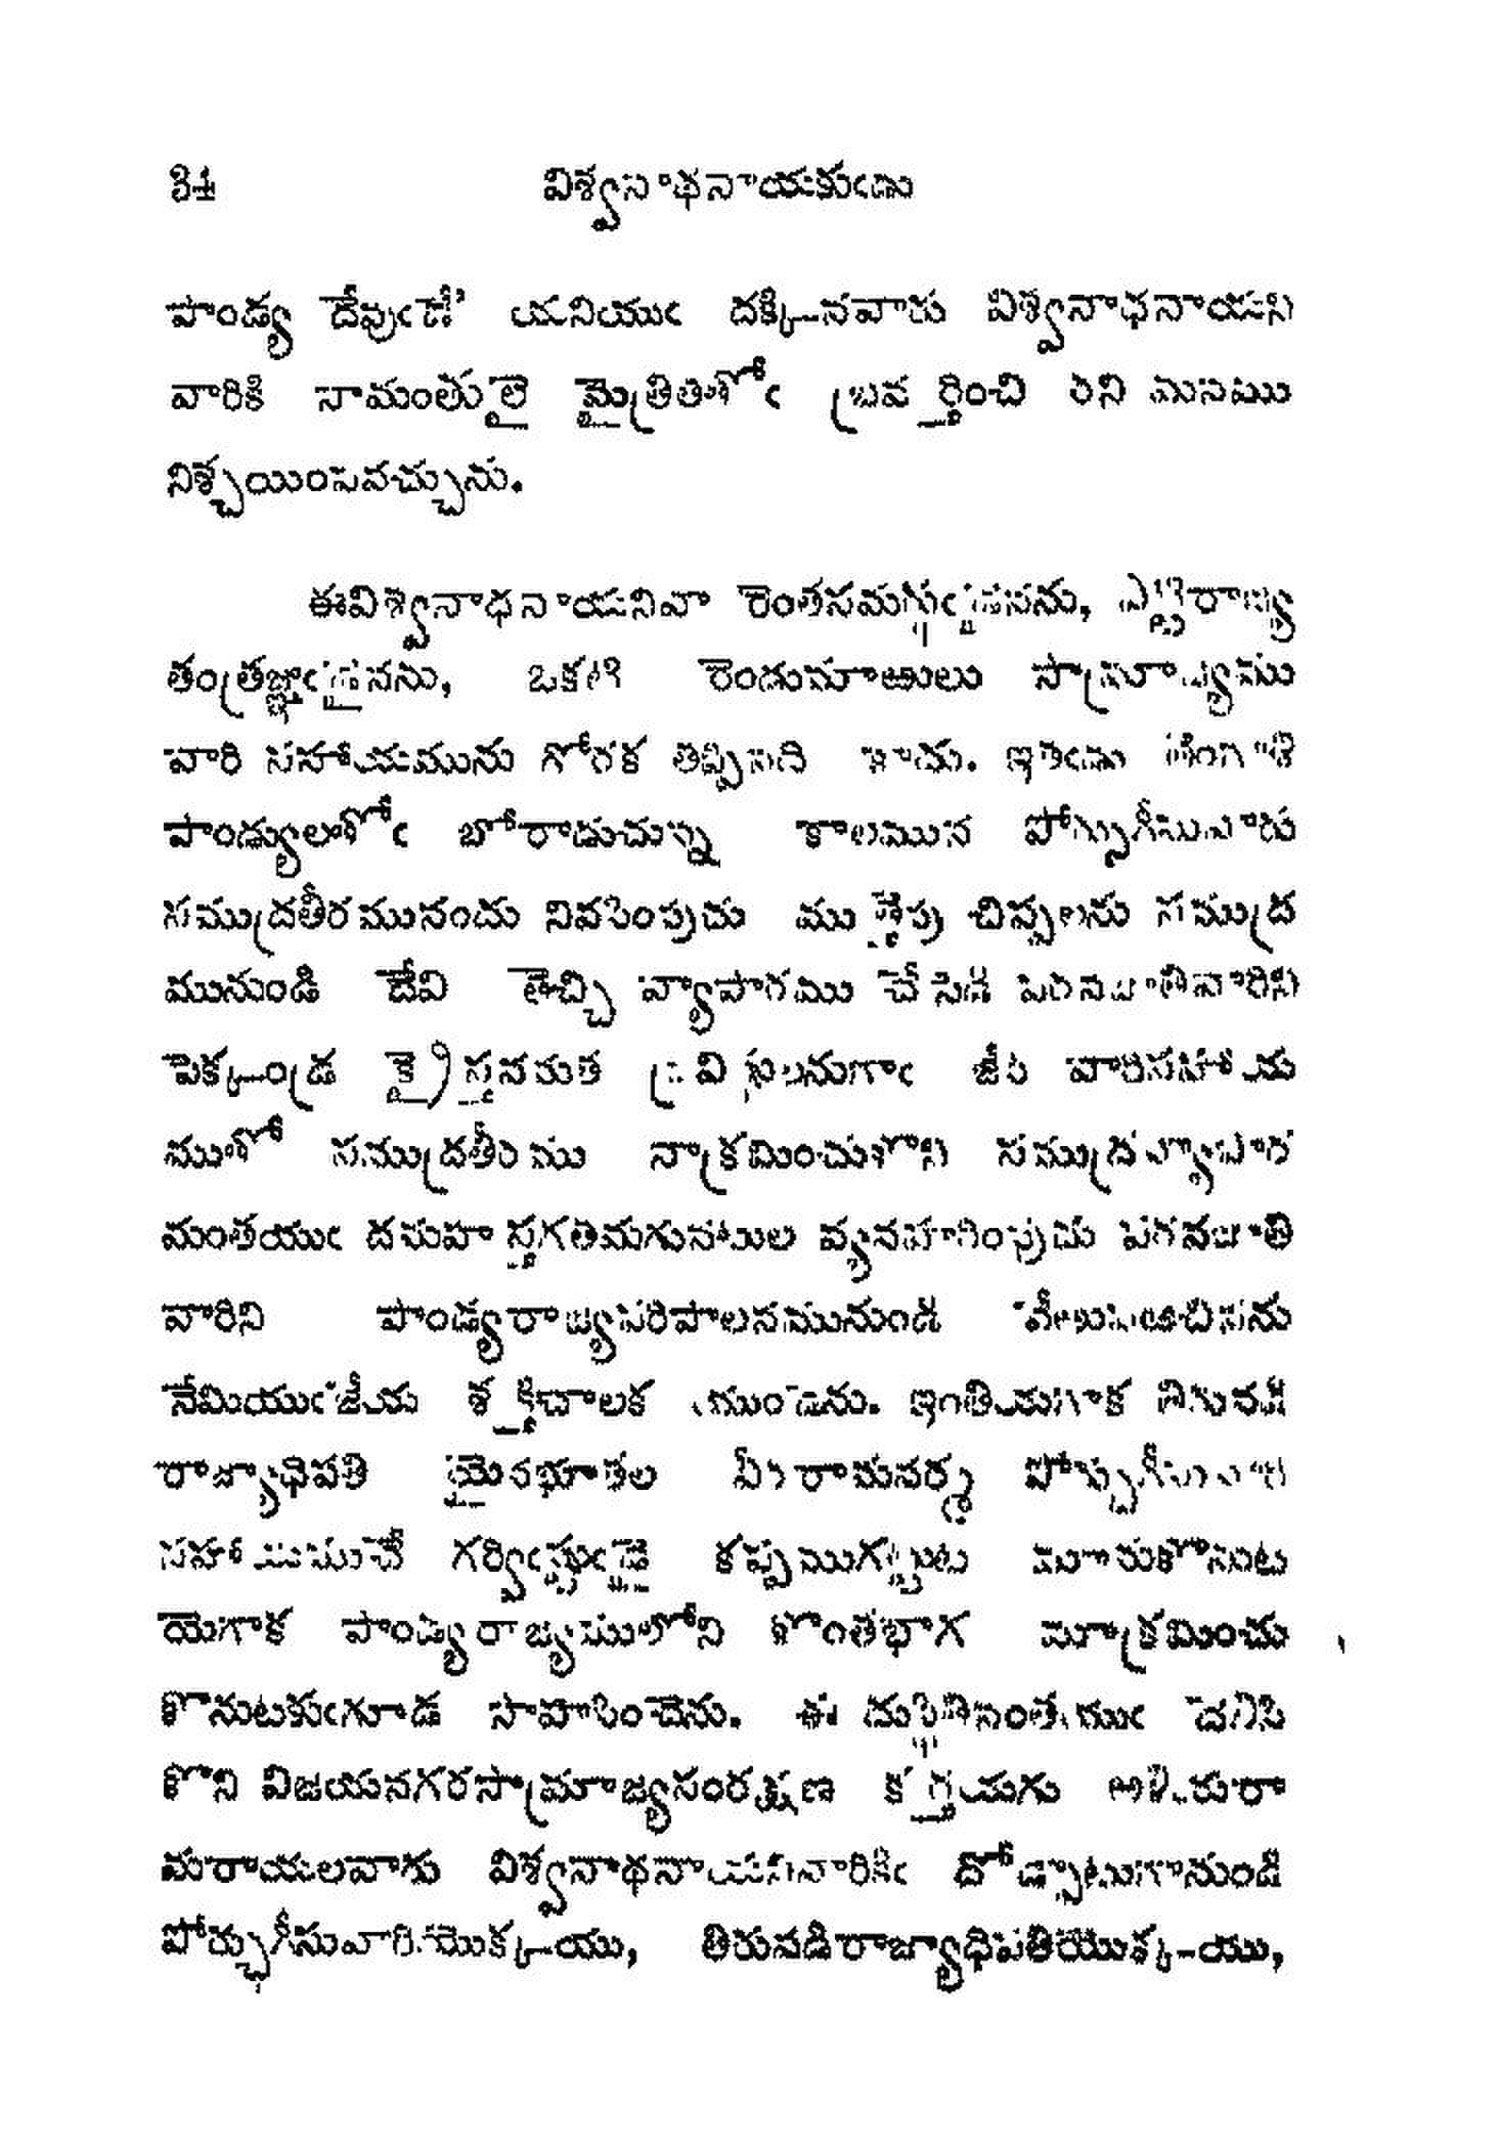పాండ్య దేవుఁడే' యనియుఁ దక్కినవారు విశ్వనాథనాయని వారికి సామంతులై మైత్రితితోఁ బ్రవర్తించి రని మనము నిశ్చయింపవచ్చును.

ఈవిశ్వనాథనాయనివా రెంతసమర్థుఁడైనను, ఎట్టిరాజ్య తంతజ్ఞుఁడైనను, ఒకటి రెండుమాఱులు సామ్రాజ్యము వారి సహాయమును గోరక తప్పినది కాదు. ఇతఁడు తెంగాశి పాండ్యులతోఁ బోరాడుచున్న కాలమున పోర్సుగీసువారు సముద్రతీరమునందు నివసింపుచు ముత్తెపు చిప్పలను సముద్రమునుండి దేవి తెచ్చి వ్యాపారము చేసెడి పరవజాతివారిని పెక్కండ్ర క్రైస్తవమత ప్రవిష్టులనుగాఁ జేసి వారిసహాయముతో సముద్రతీరము నాక్రమించుకొని సముద్రవ్యాపార మంతయుఁ దమహస్తగతమగునటుల వ్యవహరింపుచు పరవజాతి వారిని పాండ్యరాజ్యపరిపాలనమునుండి వేఱిపఱచినను నేమియుఁజేయ శక్తిచాలక యుండెను. ఇంతియగాక తిరువడి రాజ్యాధిపతి యైనభూతల వీరరామవర్మ పోర్చుగీసువారి సహాయముచే గర్విష్టుఁడై కప్పముగట్టుట మానుకొనుటయెగాక పాండ్యరాజ్యములోని కొంతభాగ మాక్రమించు కొనుటకుఁగూడ సాహసించెను. ఈ దుస్థితినంతయుఁ దెలిసికొని విజయనగరసామ్రాజ్యసంరక్షణ కర్తయగు అళియరామరాయలవారు విశ్వనాథనాయనివారికిఁ దోడ్పాటుగానుండి పోర్ఛుగీసువారియొక్కయు, తిరువడిరాజ్యాధిపతియొక్కయు,